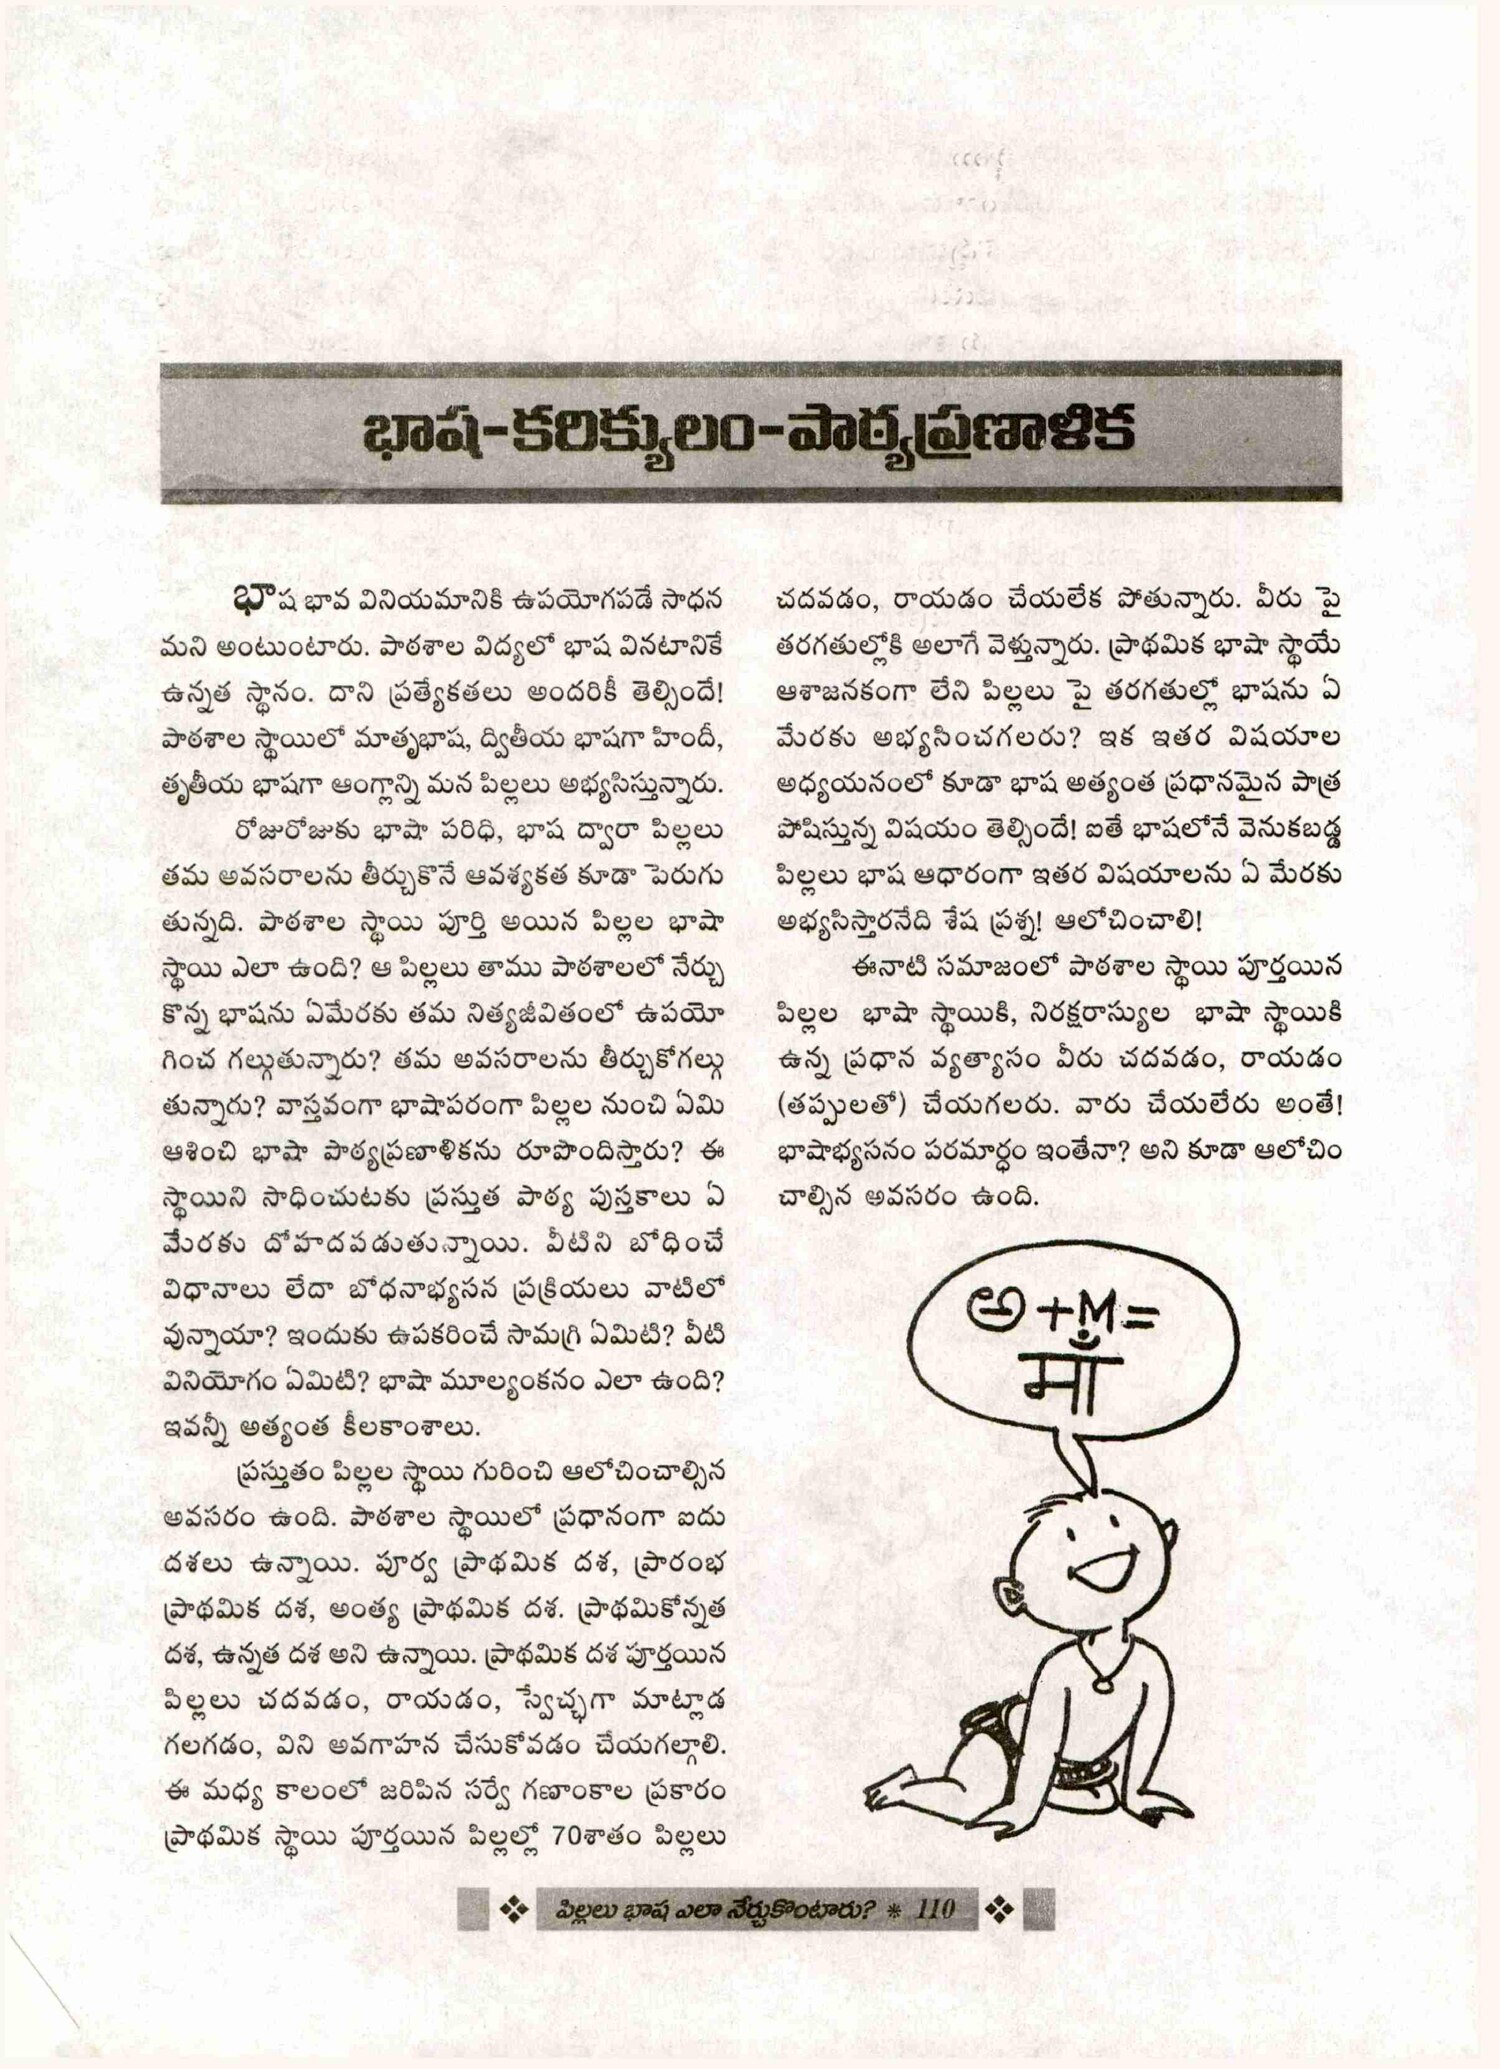భాష-కరిక్యులం -పాఠ్యప్రణాళిక

భాష భావ వినియమానికి ఉపయోగపడే సాధనమని అంటుంటారు. పాఠశాల విద్యలో భాష వినటానికే ఉన్నత స్థానం. దాని ప్రత్యేకతలు అందరికీ తెల్సిందే! పాఠశాల స్థాయిలో మాతృభాష, ద్వితీయ భాషగా హిందీ, తృతీయ భాషగా ఆంగ్లాన్ని మన పిల్లలు అభ్యసిస్తున్నారు.

రోజురోజుకు భాషా పరిధి, భాష ద్వారా పిల్లలు తమ అవసరాలను తీర్చుకొనే ఆవశ్యకత కూడా పెరుగుతున్నది. పాఠశాల స్థాయి పూర్తి అయిన పిల్లల భాషాస్థాయి ఎలా ఉంది? ఆ పిల్లలు తాము పాఠశాలలో నేర్చుకొన్న భాషను ఏమేరకు తమ నిత్యజీవితంలో ఉపయోగించ గల్గుతున్నారు? తమ అవసరాలను తీర్చుకోగల్గుతున్నారు? వాస్తవంగా భాషాపరంగా పిల్లల నుంచి ఏమి ఆశించి భాషా పాఠ్యప్రణాళికను రూపొందిస్తారు? ఈ స్థాయిని సాధించుటకు ప్రస్తుత పాఠ్య పుస్తకాలు ఏ మేరకు దోహదపడుతున్నాయి. వీటిని బోధించే విధానాలు లేదా బోధనాభ్యసన ప్రక్రియలు వాటిలో వున్నాయా? ఇందుకు ఉపకరించే సామగ్రి ఏమిటి? వీటి వినియోగం ఏమిటి? భాషా మూల్యంకనం ఎలా ఉంది? ఇవన్నీ అత్యంత కీలకాంశాలు.

ప్రస్తుతం పిల్లల స్థాయి గురించి ఆలోచించాల్సిన అవసరం ఉంది. పాఠశాల స్థాయిలో ప్రధానంగా ఐదు దశలు ఉన్నాయి. పూర్వ ప్రాథమిక దశ, ప్రారంభ ప్రాథమిక దశ, అంత్య ప్రాథమిక దశ. ప్రాథమికోన్నత దశ, ఉన్నత దశ అని ఉన్నాయి. ప్రాథమిక దశ పూర్తయిన పిల్లలు చదవడం, రాయడం, స్వేచ్ఛగా మాట్లాడ గలగడం, విని అవగాహన చేసుకోవడం చేయగల్గాలి. ఈ మధ్య కాలంలో జరిపిన సర్వే గణాంకాల ప్రకారం ప్రాథమిక స్థాయి పూర్తయిన పిల్లల్లో 70శాతం పిల్లలు చదవడం, రాయడం చేయలేక పోతున్నారు. వీరు పై తరగతుల్లోకి అలాగే వెళ్తున్నారు. ప్రాథమిక భాషా స్థాయే ఆశాజనకంగా లేని పిల్లలు పై తరగతుల్లో భాషను ఏ మేరకు అభ్యసించగలరు? ఇక ఇతర విషయాల
అధ్యయనంలో కూడా భాష అత్యంత ప్రధానమైన పాత్ర పోషిస్తున్న విషయం తెల్సిందే! ఐతే భాషలోనే వెనుకబడ్డ
పిల్లలు భాష ఆధారంగా ఇతర విషయాలను ఏ మేరకు అభ్యసిస్తారనేది శేష ప్రశ్న! ఆలోచించాలి!

ఈనాటి సమాజంలో పాఠశాల స్థాయి పూర్తయిన పిల్లల భాషా స్థాయికి, నిరక్షరాస్యులు భాషా స్థాయికి ఉన్న ప్రధాన వ్యత్యాసం వీరు చదవడం, రాయడం (తప్పులతో) చేయగలరు. వారు చేయలేరు అంతే! భాషాభ్యసనం పరమార్ధం ఇంతేనా? అని కూడా ఆలోచించాల్సిన అవసరం ఉంది.